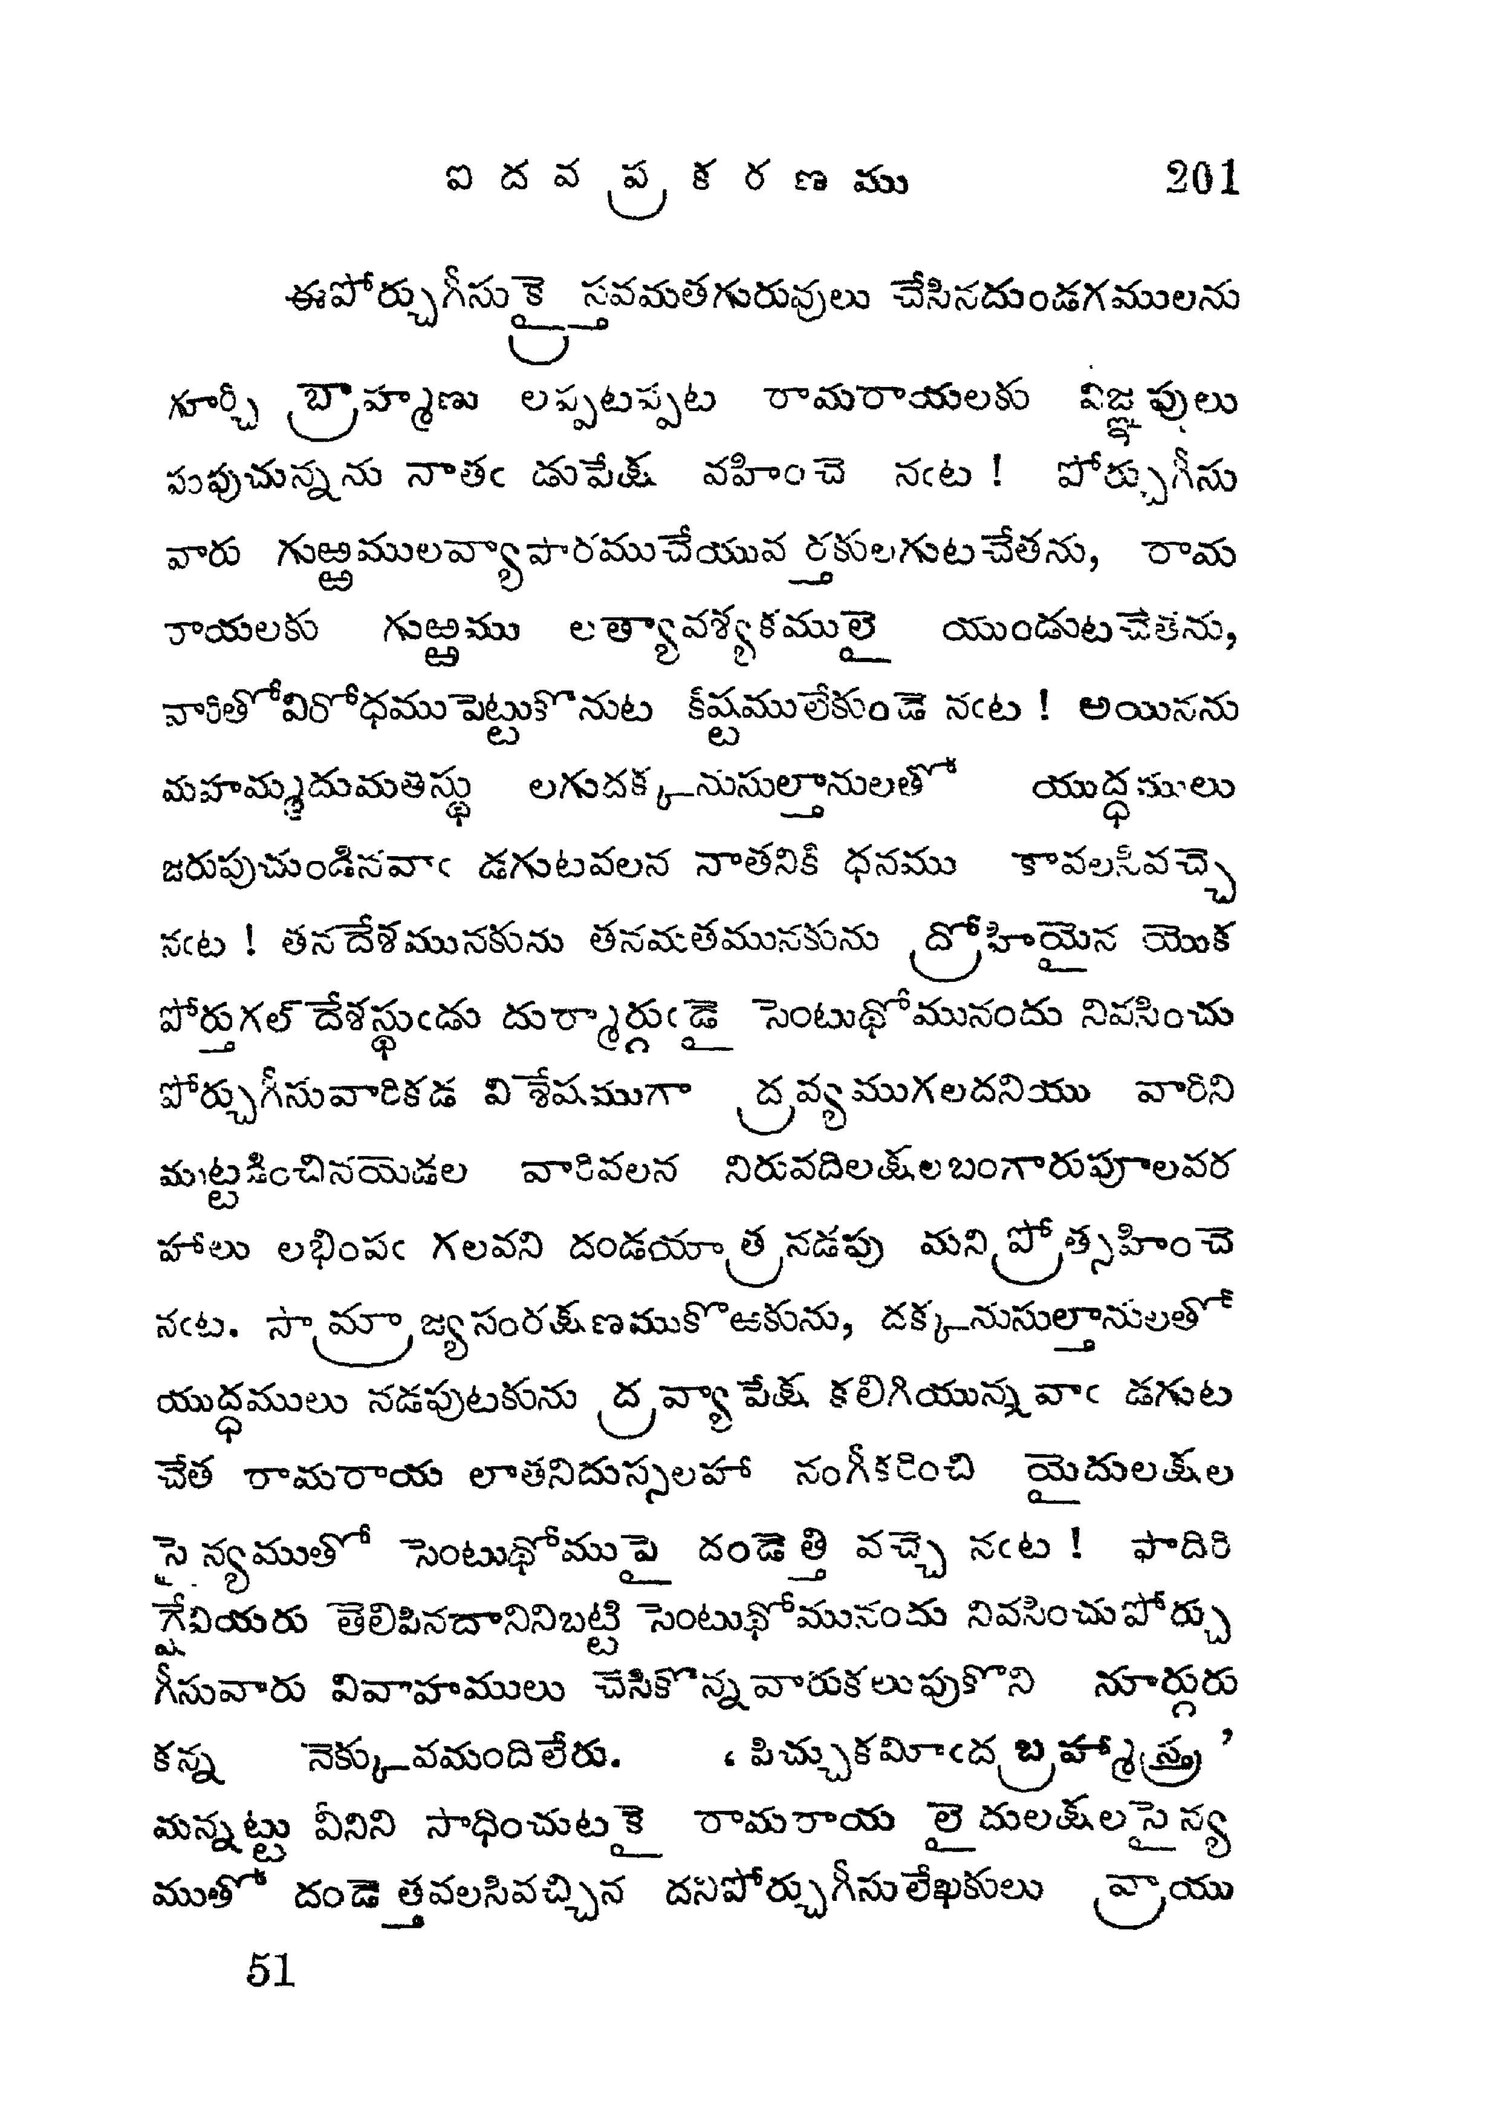ఈపోర్చుగీసుక్రైస్తవమతగురువులు చేసినదుండగములను గూర్చి బ్రాహ్మణు లప్పటప్పట రామరాయలకు విజ్ఞప్తులు పంపుచున్నను నాత డుపేక్ష వహించె నట ! పోర్చుగీసువారు గుఱ్ఱములవ్యాపారముచేయు వర్తకులగుటచేతను, రామరాయలకు గుఱ్ఱము లత్యావశ్యకములై యుండుటచేతను, వారితోవిరోధము పెట్టుకొనుట కిష్టములేకుండె నట ! అయినను మహమ్మదుమతస్థు లగుదక్కనుసుల్తానులతో యుద్ధములు జరుపుచుండినవా డగుటవలన నాతనికి ధనము కావలసివచ్చెనట ! తనదేశమునకును తనమతమునకును ద్రోహియైన యొక పోర్తుగల్‌దేశస్థుడు దుర్మార్గుడై సెంటుథోమునందు నివసించు పోర్చుగీసువారికడ విశేషముగా ద్రవ్యముగలదనియు వారిని ముట్టడించినయెడల వారివలన నిరువదిలక్షలబంగారు పూలవరహాలు లభింప గలవని దండయాత్రనడపు మనిప్రోత్సహించె నట. సామ్రాజ్యసంరక్షణముకొఱకును, దక్కనుసుల్తానులతో యుద్ధములు నడపుటకును ద్రవ్యాపేక్ష కలిగియున్నవా డగుటచేత రామరాయ లాతనిదుస్సలహా నంగీకరించి యైదులక్షల సైన్యముతో సెంటుథోముపై దండెత్తి వచ్చె నట ! ఫాదిరి గ్షేవియరు తెలిపినదానినిబట్టి సెంటుథోమునందు నివసించుపోర్చుగీసువారు వివాహములు చేసికొన్నవారుకలుపుకొని నూర్గురు కన్న నెక్కువమందిలేరు. 'పిచ్చుకమీదబ్రహ్మాస్త్ర' మన్నట్టు వీనిని సాధించుటకై రామరాయ లైదులక్షలసైన్యముతో దండెత్తవలసివచ్చిన దనిపోర్చుగీసులేఖకులు వ్రాయు